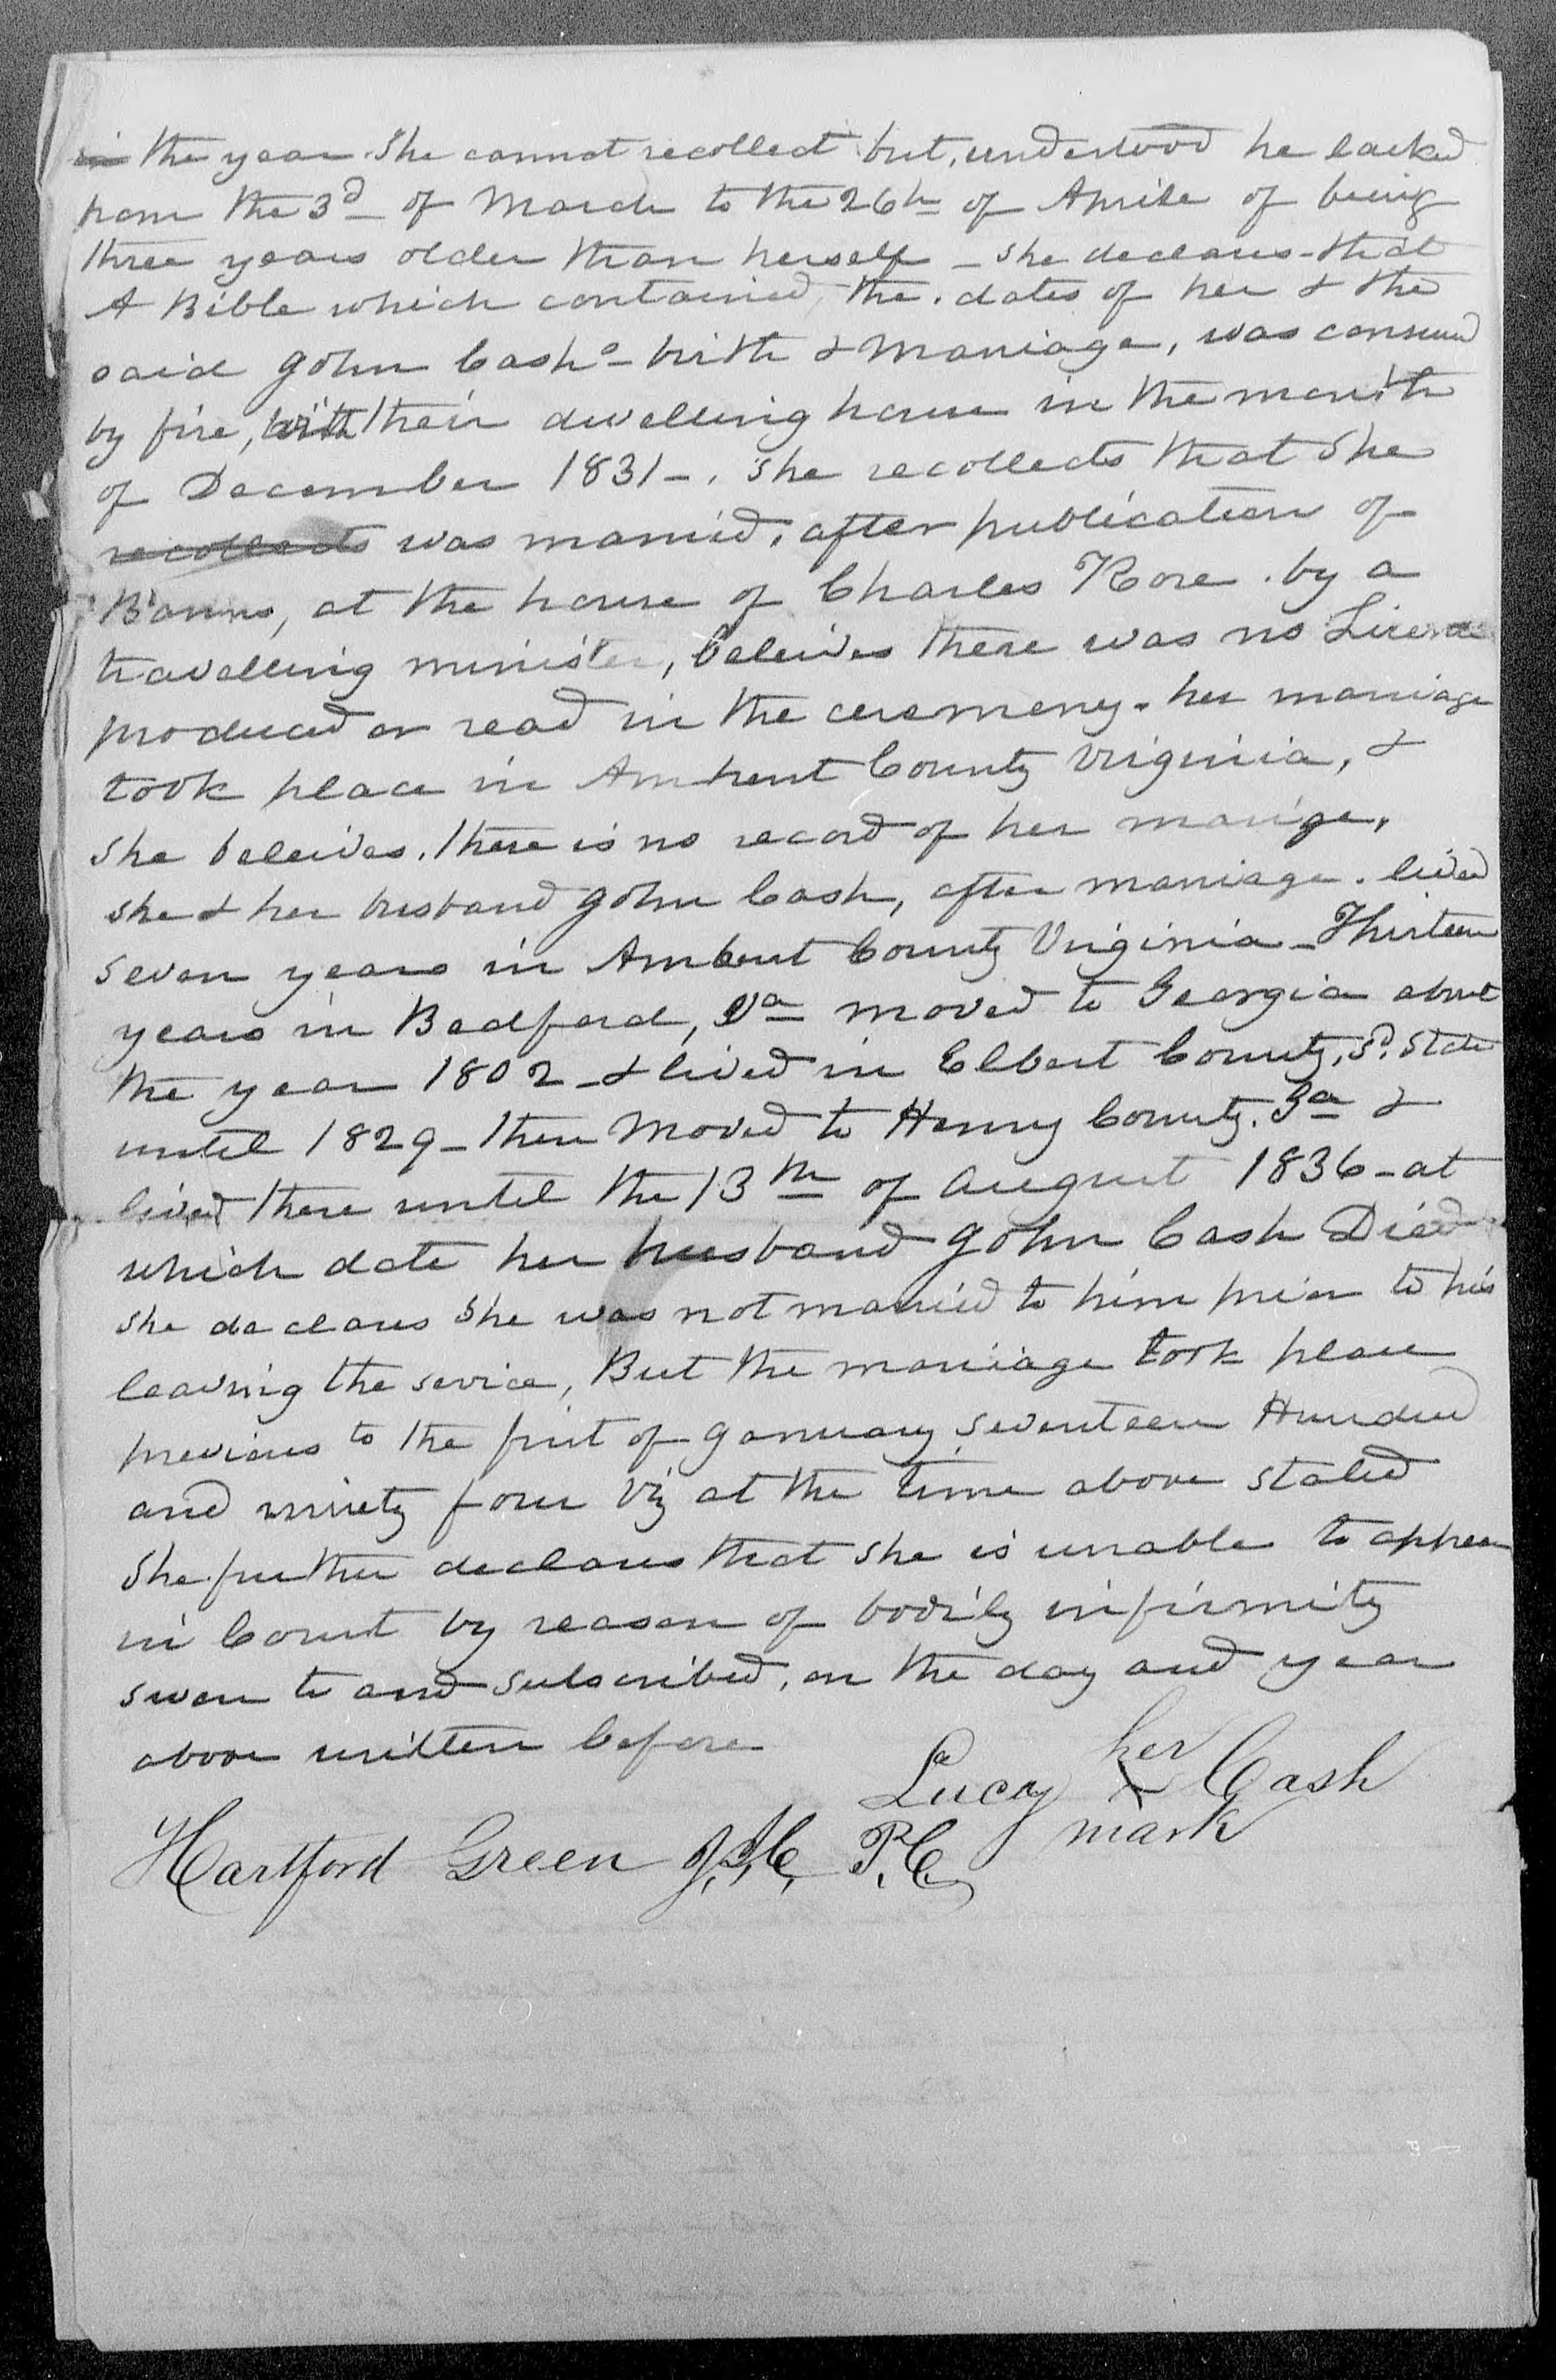in the year she cannot recollect but, understood he lacked from the 3d of March to the 26th of April of being
three years older than herself. She declares that A Bible which contained the dates of her & the said John Cash with Marriage, was consumed by fire, with their dwelling have in the month of December 1831.  She recollects that she
was married, after publication of Banns, at the house of Charles Rose by a
travelling minister, believes there was no lines produced or read in the ceremony. Her marriage took place in Amherst County Virginia, she believes, there is no record of her marriage. She & her husband John Cash, after marriage, lived
seven years in Amherst County Virginia, thirteen years in Bedford, and moved to Georgia about the year 1802 & lived in Elbert County, Georgia until 1829- then moved to Henry County, lived there until the 13th of August 1836. at which date her husband John Cash died. 
She declares she was not married to him prior to his leaving the service, but the marriage took place previous to the first of January seventeen Hundred and ninety-four viz at the time above stated
she further declares that she is unable to appear in Court by reason of bodily infirmity.
                                  Lucy (x) Cash
                                     her mark

Sworn to and subscribed, on the day and year above written before,

Hartford Green, JP PC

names: Charles Rose, Hartford Green, John Cash, John Cash, Lucy Cash, A Bible, John Cash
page: 12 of 73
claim: widow's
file: W. 5,894, John Cash, Va.